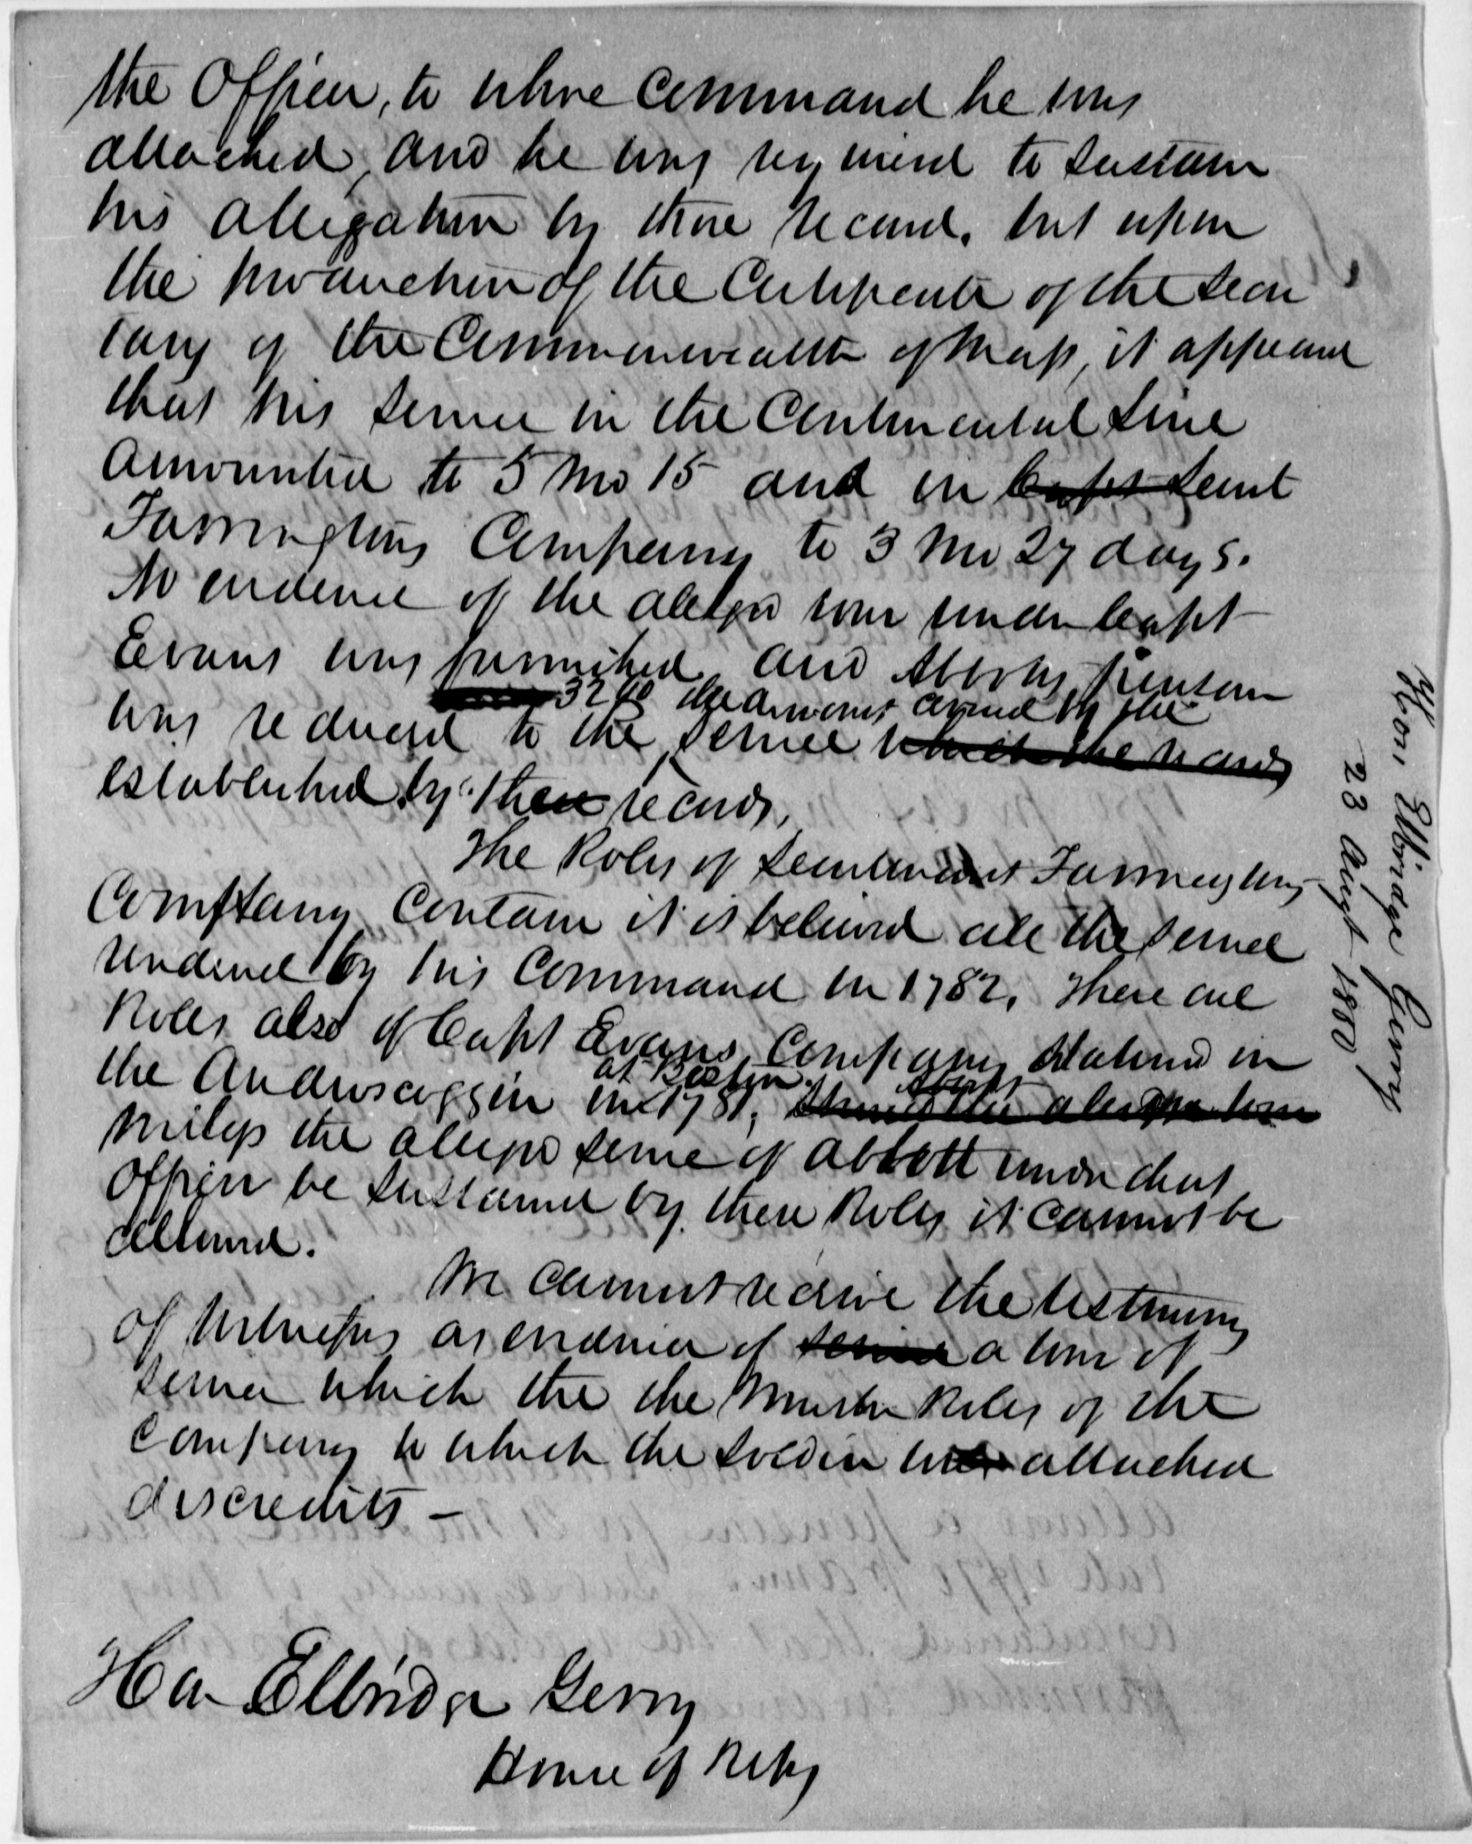the Officer, to whose command he was
attached and he was required to sustain
his obligation by these record, but upon the production of the Certificate of the secretary
of the Commonwealth of Mass, it appeared
that his service in the Continental line
amounted to 5 mo 15
and in Farringtons Company to 3 mo 27 days.
No evidence {illegible] under Capt Evans was furnished and any [illegible] 
was reduced to the service
established by these records.

The Roles of Lieutenant Farrington Company contain it is believed all the said service
rendered by his command in 1782. There are 
Roles also of Capt Evans Company in the Androscoggin in 1781 at Boston.

[illegible] service of Abbott under that
Officer be sustained by then Rolls it cannot be allowed.
I cannot receive the testimony
of witnesses or endorse a line of service which the the Militia Roles of the
company to which the soldier was attached is
discredited
Elbridge Gerry
House of Reps

Honble Elbridge Gerry
23 Aug 1800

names: Abbott, Elbridge Gerry, Evans, Elbridge Gerry, Abbott, Abbott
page: 35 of 86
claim: survivor's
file: S 29,568, Isaac Abbot, Mass